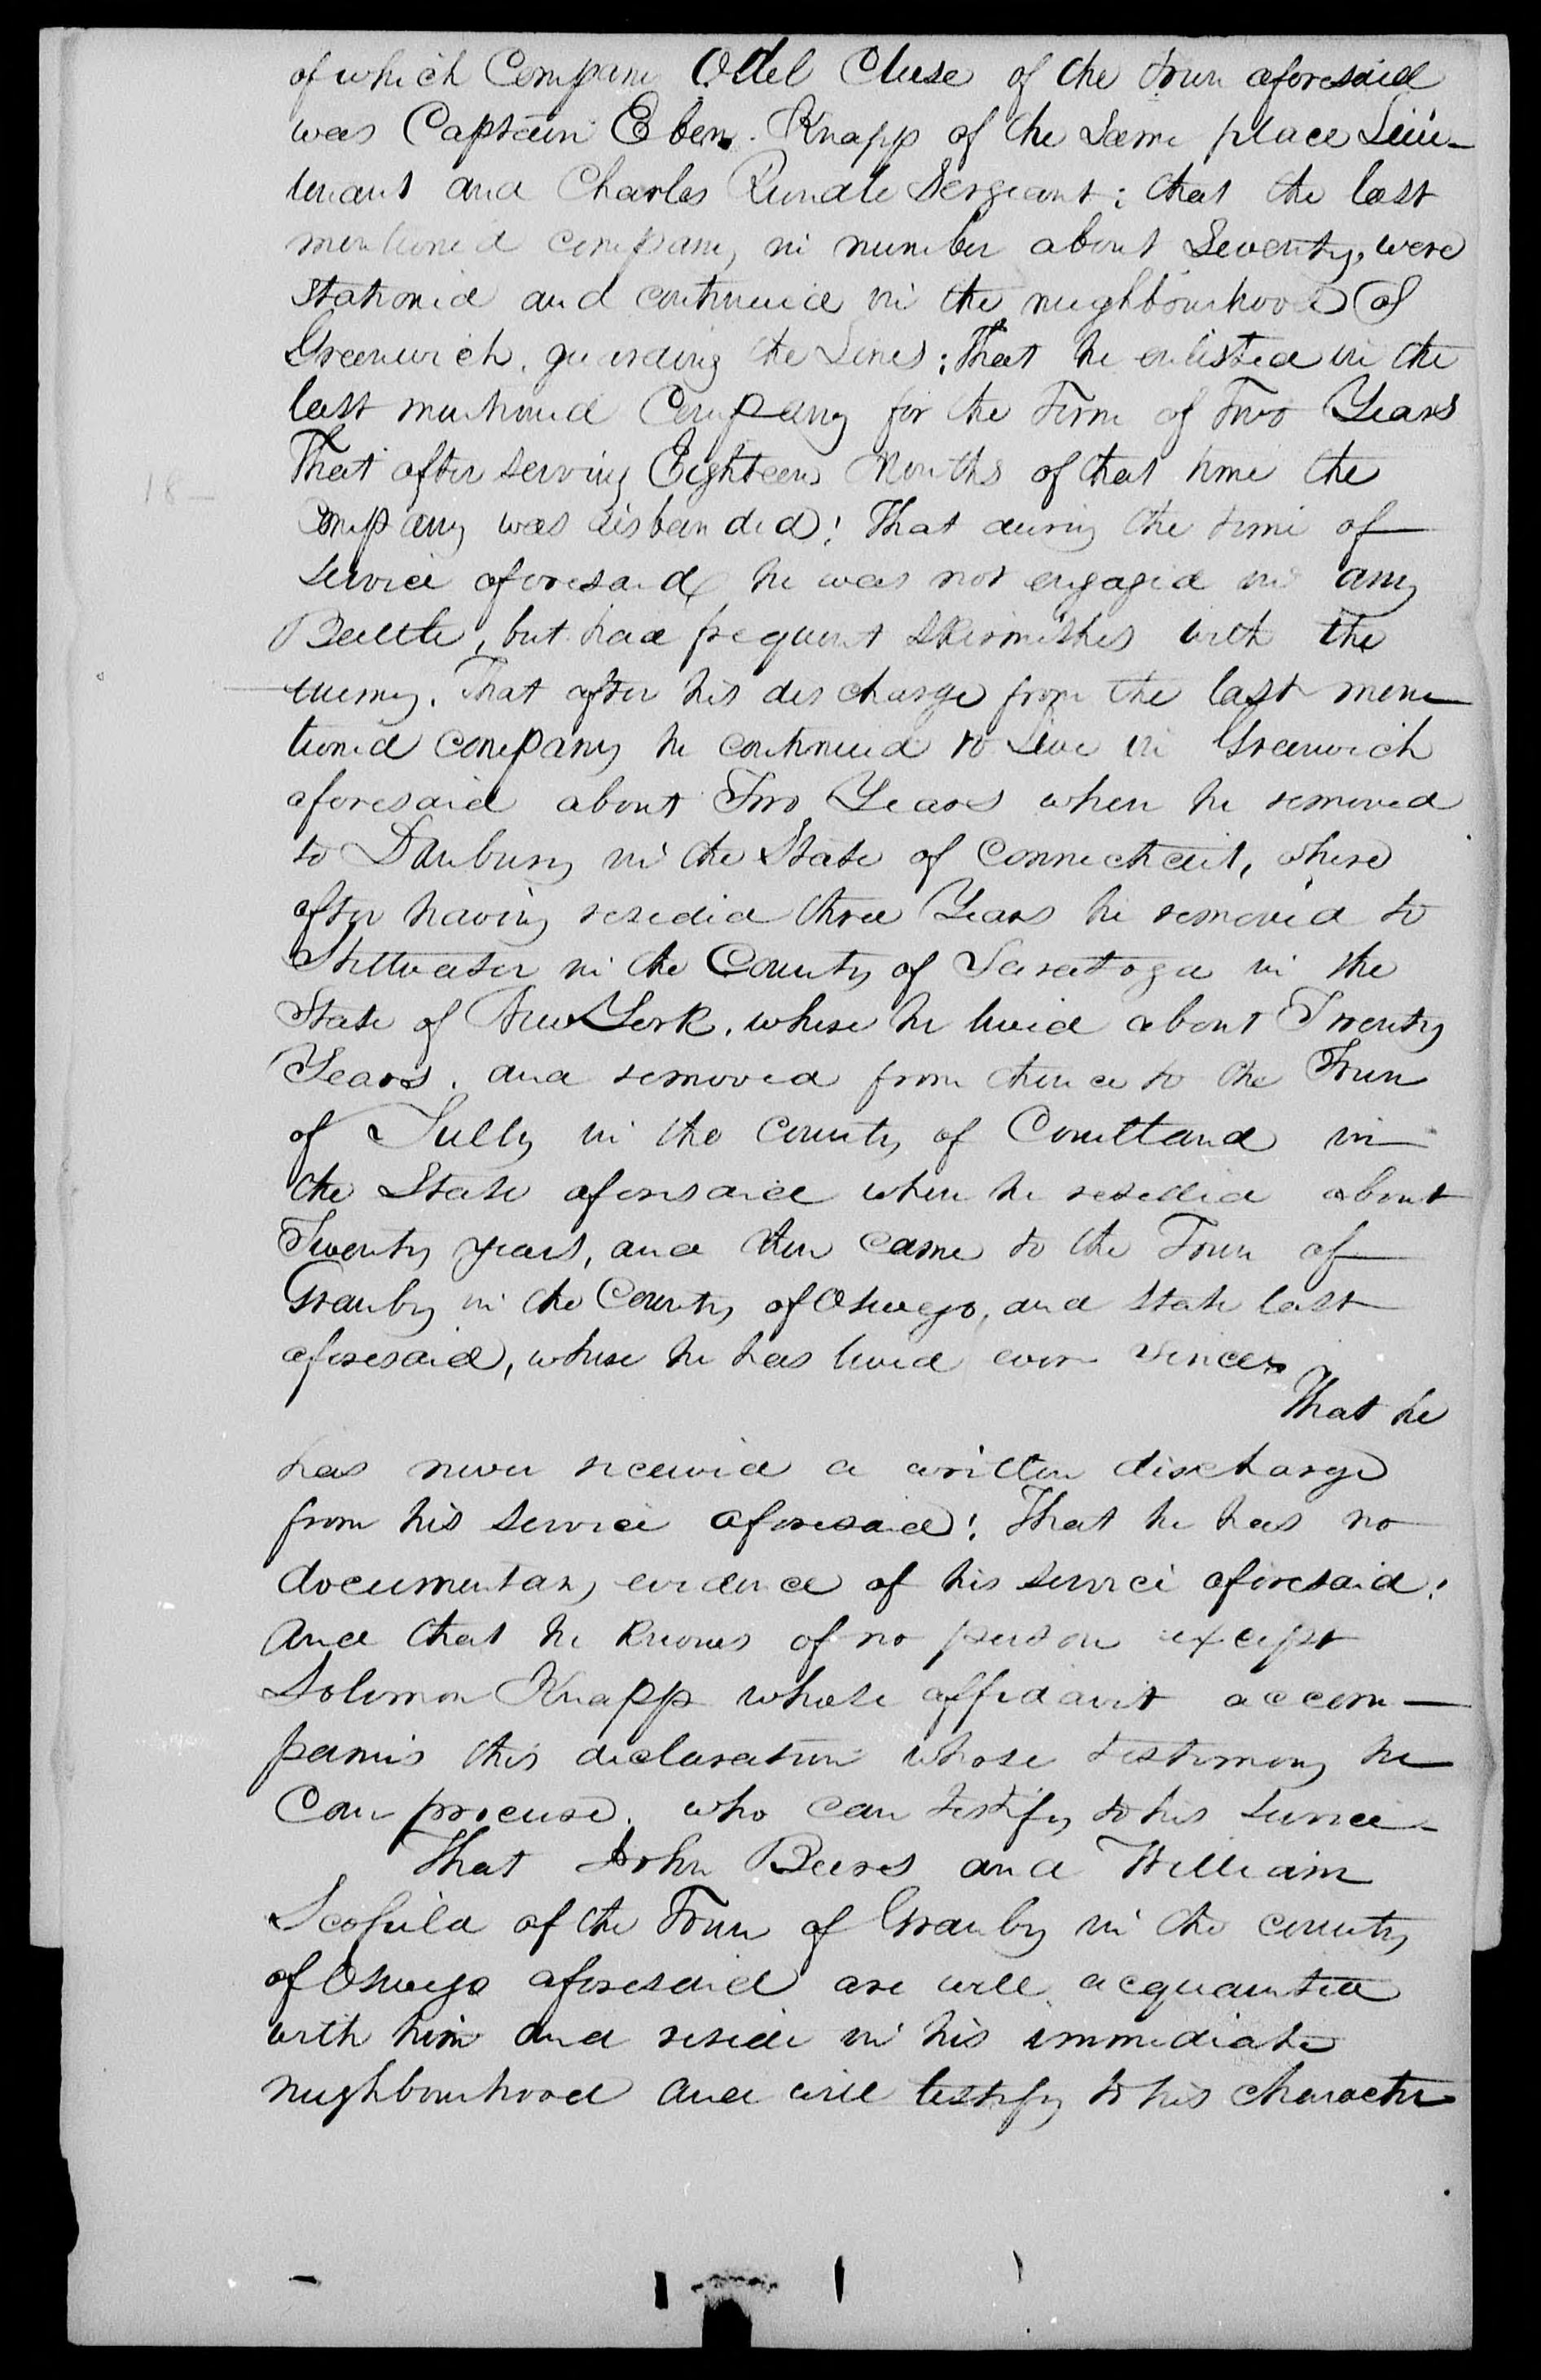of which Company Odel Cluse of the Town aforesaid
was Captain Eben Knapp of the same place Lieutenant and Charles Rundle Sergeant; that the last
mentioned company, in number about seventy, were
stationed and continued in the neighbourhood of
Greenwich, guarding the lines, that he enlisted in the
last mentioned Company for the Term of two years
That after serving Eighteen months of that time the company was disbanded: That during the time of
service aforesaid he was not engaged in any
Battle, but had frequent skirmishes with them. That after his discharge from the last mentioned company he continued to live in Greenwich
aforesaid about Two years when he removed
to Danbury in the State of Connecticut, where
after having resided three years he removed to
Stillwater in the County of Saratoga in the
State of New York, where he lived about Twenty
years, and removed from thence to the Town of Tully in the County of Courtland in
the State aforesaid when he resided about
Twenty years, and then came to the Town of
Granby in the County of Ohio, and State last
aforesaid, where he has lived ever since 
That he
has never received a written discharge
from his service aforesaid: That he has no
documentary evidence of his service aforesaid,
and that he knows of no person except
Solomon Knapp whose affidavit accompanies
this declaration whose testimony he
can procure who can testify to his service
that John Beers and William
Scofield of the Town of Granby in the County
of Oswego aforesaid are well acquainted with
him and reside in his immediate
neighbourhood and will testify to his character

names: John Beers, Solomon Knapp, William Scofield, Odel Close, Eben Knapp, Charles Rundle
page: 5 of 35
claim: survivor's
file: S. 28727, Abraham Finch, Conn.